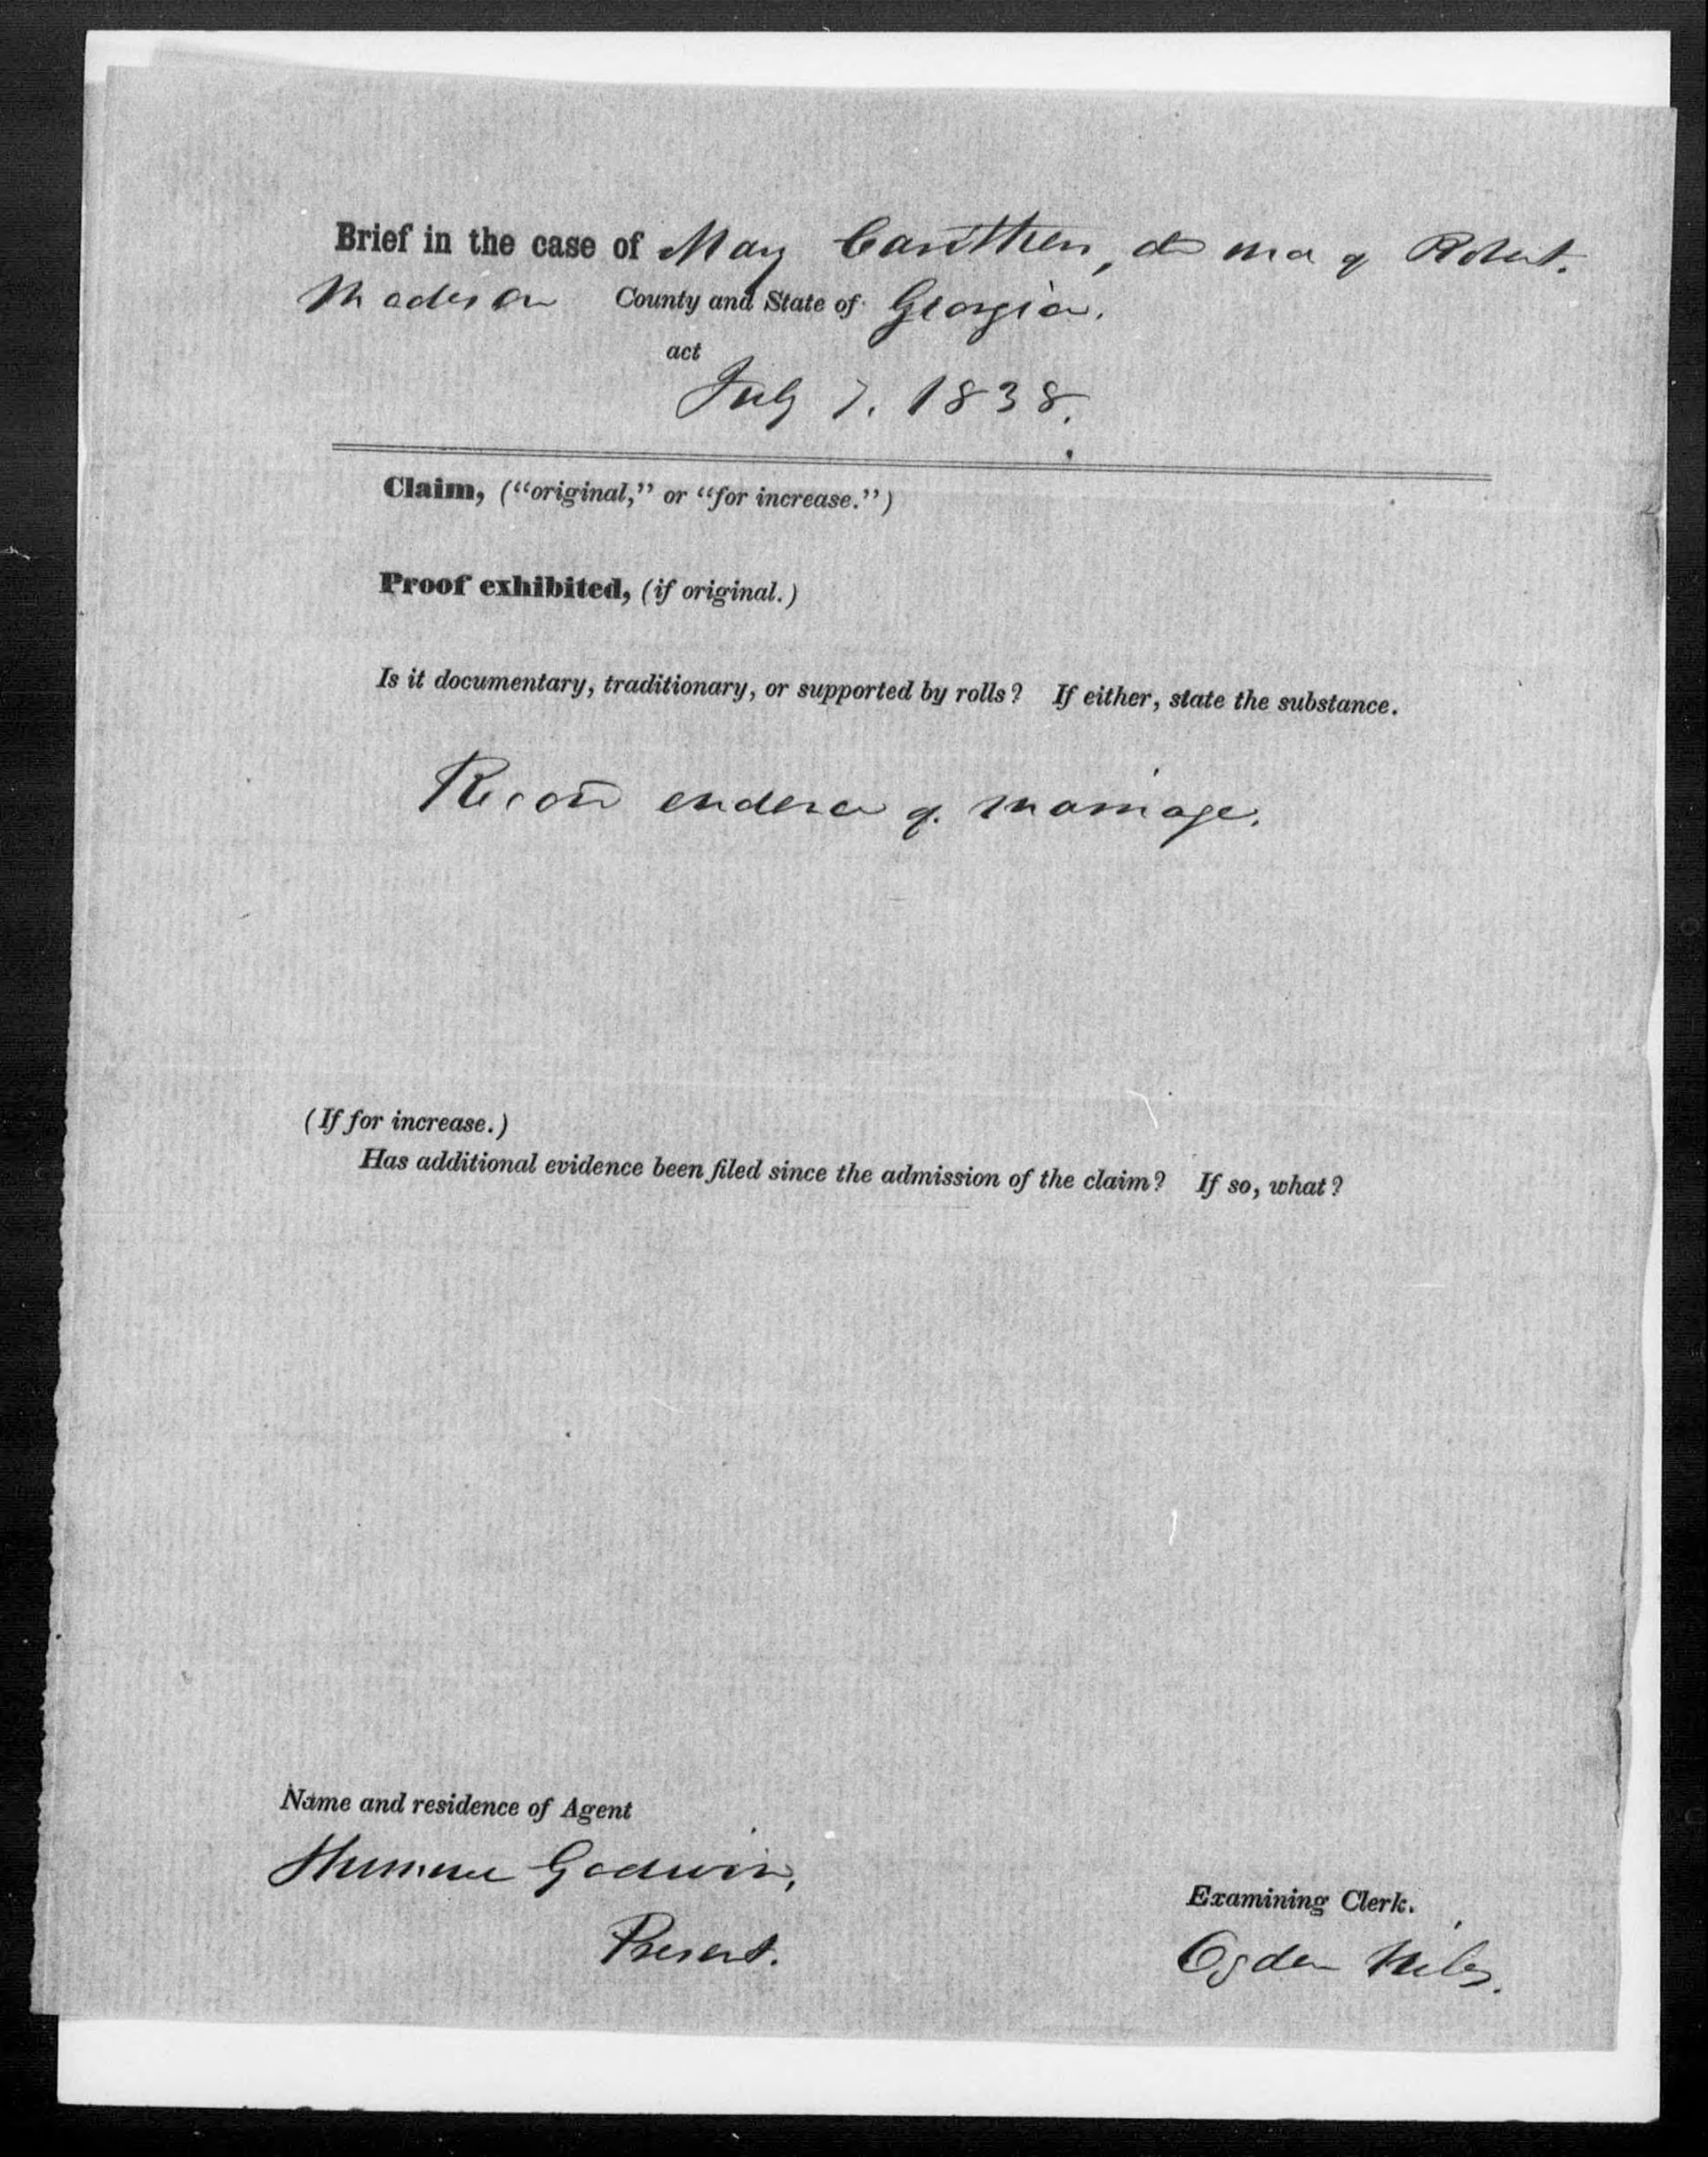Brief in the case of Mary Carithers the wid of Robert. Madison County and State of Georgia  act July 7, 1838.  Claim , ( "original " or " for increase ".)  Proof exhibited , ( if original. ) Is it documentary , tradionary , or supported by rolls ? If either, state the substance.  Record evidence of marriage. Name and residence of Agent Skimnel Godwin Present.  Examining Clerk. Ogden Niles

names: Skimnel Godwin, Mary Carithers, Robert, Ogden Niles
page: 32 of 33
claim: widow's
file: W. 23779, Robert Carithers, S.C.